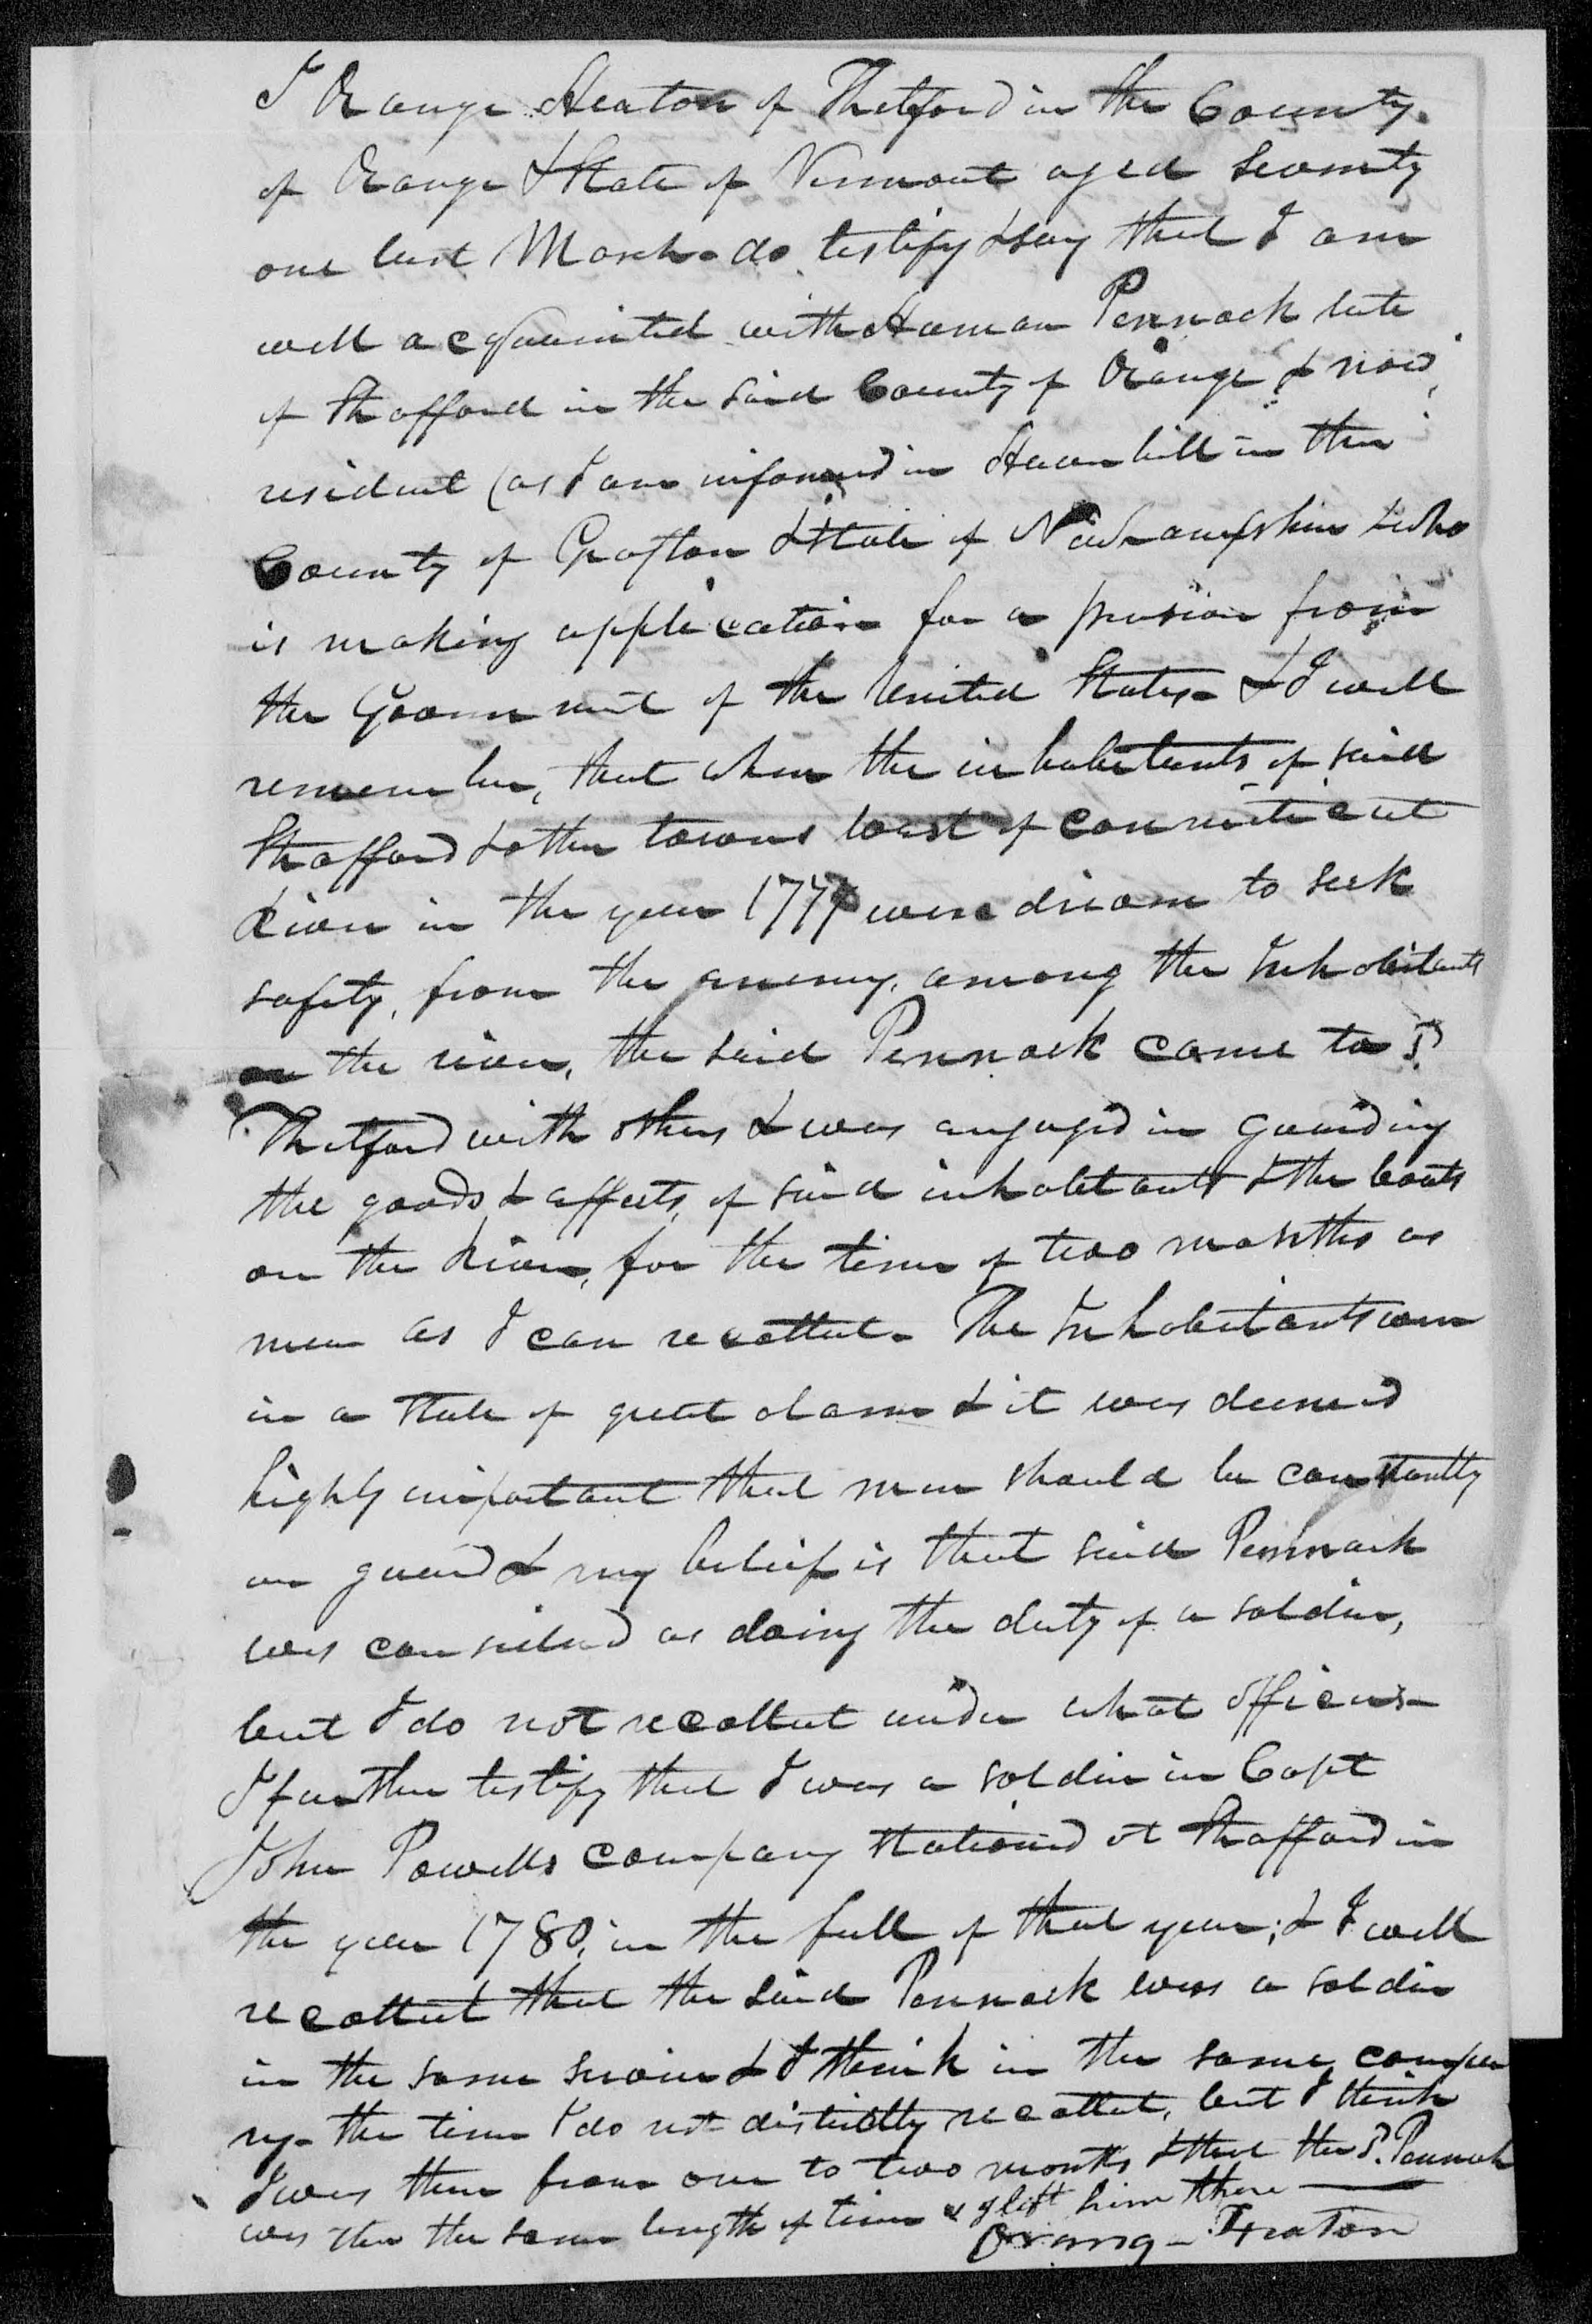I Orange Heaton of Thetford in the County of Orange & State of Vermont aged Seventy one last March do testify & say that I am well acquainted with Haman Pennock late of Strafford in the said County of Orange & now resident (as I am informed) in Haverhill in the County of Grafton & State of New Hampshire who is making application for a pension from the Government of the United States & I will remember this, that when the inhabitants of said Strafford & others. toward west of Connecticut River in the year 1777 were draim to seek safety from the enemy, among the Inhabitants [illegible] the river, the said Pennock came to Thetford with them & was engaged in guarding the goods & affects of said inhabitants & the boats on the River, for the term of two months or more as I can recollect. The Inhabitants came in a state of great alarm & it was deemed highly important that men should be constantly on guard & my belief is that said Pennock was considered as doing the duty of a soldier, but I do not recollect under what officers - 

I further testify that I was a soldier in Capt [illegible] Powells company stationed at Strafford in the year 1780 in the fall of that year; & I could recollect that the said Pennock was a soldier in the same [illegible] & I think in the home company - the times I do not distinctly recollect, but I think I was there from one to two months & have [illegible] Pennock was then the [illegible] length of time & I left him there - 

Orange Heaton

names: Orange Heaton; Herman Pennock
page: 11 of 12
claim: survivor's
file: S. 18,158, for Haman Pennock, Vermont